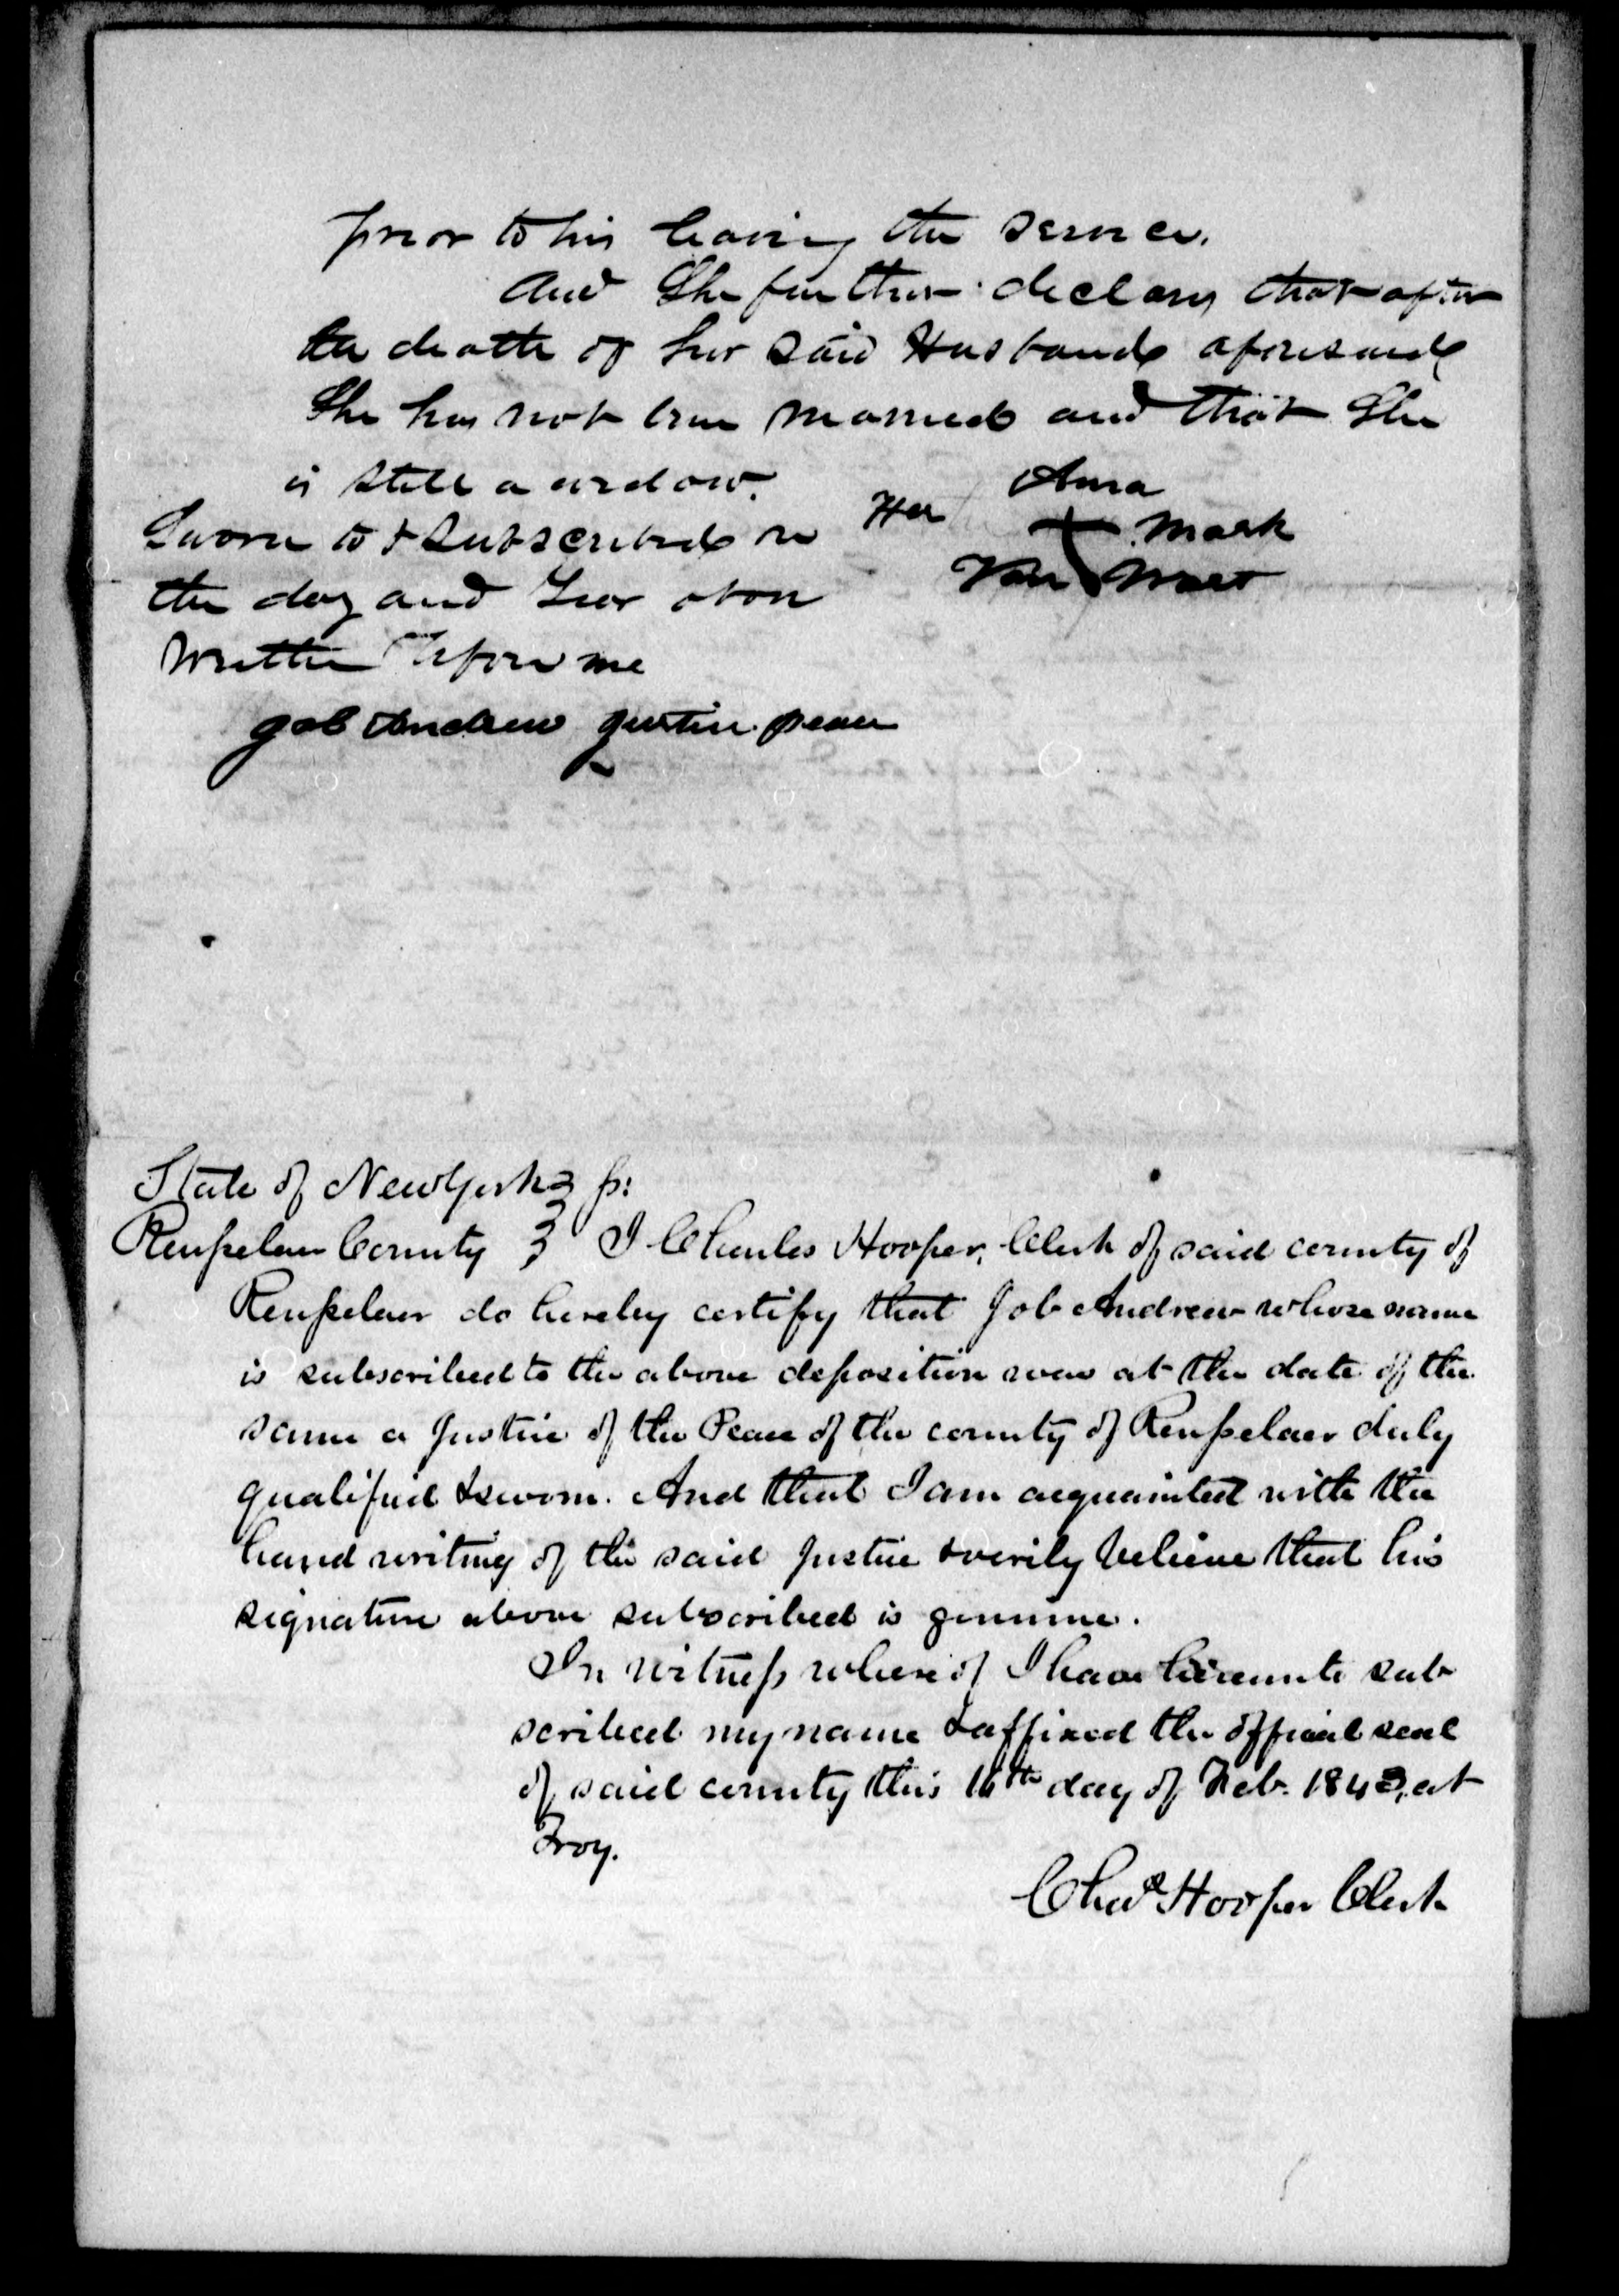prior to his leaving the service. 
And she further declares that after the death of her said Husband aforesaid she has not been married and that she is still a widow.
[signed] Ama [Amy] Van Wart  + her mark
Sworn to & subscribed on the day and year above Written before me 
[signed] Job Andrew Justice Peace 

State of New York 
Rensselaer County } ss: I Charles Hooper, Clerk of said County of Rensselaer do hereby certify that Job Andrew whose name is subscribed to the above deposition was at the date of the same a Justice of the Peace of the County of Rensselaer duly qualified & sworn. And that I am acquainted with the hand writing of the said Justice & verily believe that his signature above subscribed is genuine. 
In witness whereof I have hereunto subscribed my name & affixed the official seal of said county this 16th day of Feb. 1848, at Troy 
[signed] Chas Hooper  Clerk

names: Job Andrew, Job Andrew, Chas Hooper, Charles Hooper, Anna Van Wart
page: 94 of 102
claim: widow's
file: W. 18239, Isaac Van Wart, New York